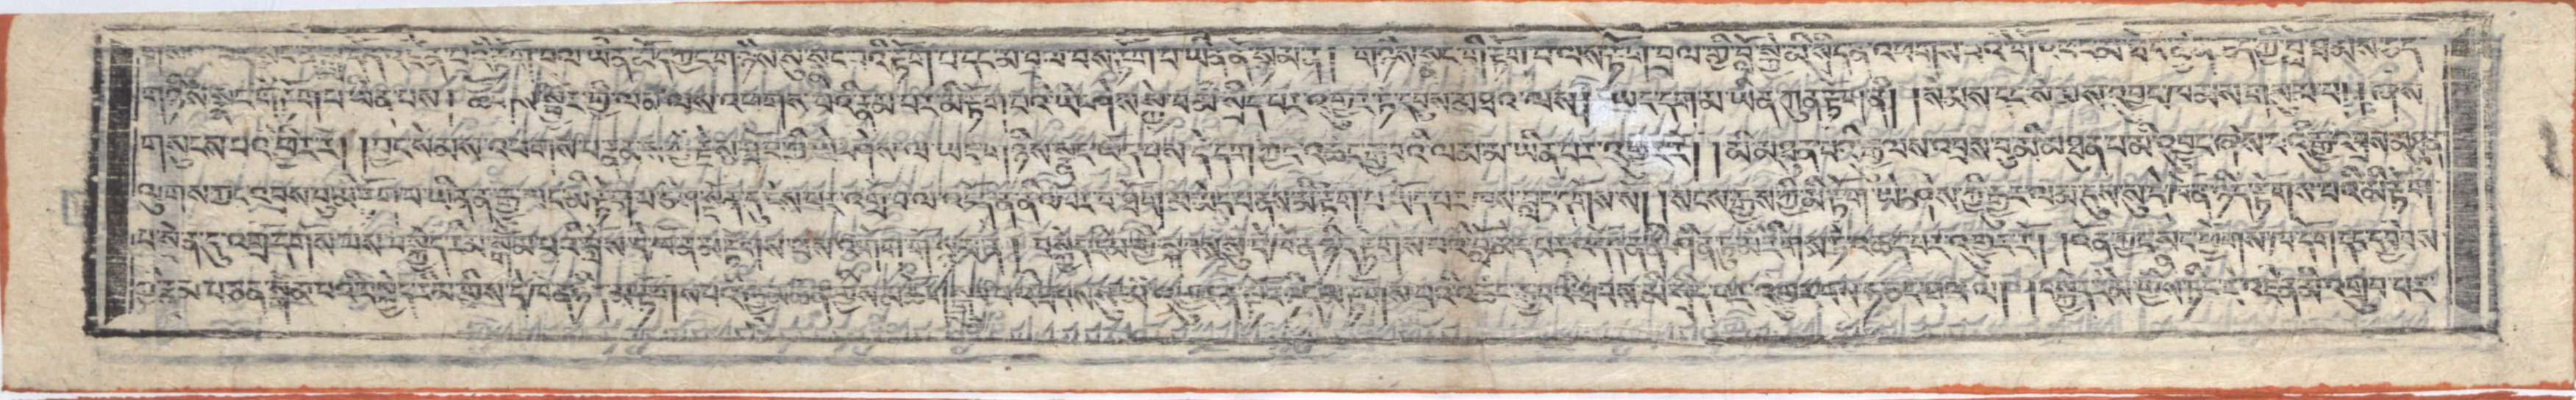གསལ་བར་སྣང་ན་སྒྲ་དོན་འཛིན་པའི་རྟོག་བྲལ་ཡིན་མོད་ཀྱང་གཉིས་སུ་སྣང་བའི་རྟོག་པ་དང་མ་བྲལ་བས་རྟོག་པ་ཡིན་ནོ་སྙམ་ན། གཉིས་སྣང་གི་རྟོག་པ་ལས་རྟོག་བྲལ་གྱི་བློ་སྐྱེ་མི་སྲིད་ན་འཕགས་པའི་གོ་འཕང་མ་ཐོབ་ཚུན་ཆད་ཀྱི་བློ་ཐམས་ཅད་
གཉིས་སྣང་གི་རྟོག་པ་ཡིན་པས། ཚོགས་སྦྱོར་གྱི་ལམ་ལས་འཕགས་པའི་རྣམ་པར་མི་རྟོག་པའི་ཡེ་ཤེས་སྐྱེ་བ་མི་སྲིད་པར་འགྱུར་ཏེ་དབུས་མཐའ་ལས། ཡང་དག་མ་ཡིན་ཀུན་རྟོག་ནི། །སེམས་དང་སེམས་འབྱུང་ཁམས་གསུམ་པ། །ཞེས་
གསུངས་པའི་ཕྱིར་རོ། །བྱང་སེམས་འཕགས་པ་རྣམས་ཀྱི་རྗེས་ཐོབ་ཀྱི་ཡེ་ཤེས་ལ་ཡང་གཉིས་སྣང་ཡོད་པས་དེ་དག་ཀྱང་འཚང་རྒྱ་བའི་ལམ་མ་ཡིན་པར་འགྱུར་རོ། །མི་མཐུན་པའི་རྒྱུ་ལས་འབྲས་བུ་མི་མཐུན་པ་མི་འབྱུང་ཞེས་པའི་རྒྱུ་འབྲས་མཐུན་
ལུགས་ཀྱང་འབྲས་བུ་མི་རྟོག་པ་ཡིན་ན་རྒྱུ་ཡང་མི་རྟོག་པ་ཅིག་སྔོན་དུ་ངེས་པར་འགྲོ་བ་ལ་འདོད་ན་ནི་འཁོར་བ་ཐོག་མ་མེད་པ་ནས་མི་རྟོག་པ་ཡོད་པར་ཁས་བླང་དགོས་སོ། །སངས་རྒྱས་ཀྱི་མི་རྟོག་ཡེ་ཤེས་ཀྱི་རྒྱུར་ལམ་དུས་སུ་དེ་ཁོ་ན་ཉིད་རྟོགས་པའི་མི་རྟོག་
པ་སྔོན་དུ་འགྲོ་དགོས་པས་བསྐྱེད་རིམ་སྒོམ་པའི་བློས་དེ་ཁོ་ན་མ་རྟོགས་པས་འགོག་གོ་སྙམ་ན། བསྐྱེད་རིམ་གྱི་སྐབས་སུ་དེ་ཁོ་ན་ཉིད་རྟོགས་པའི་བློ་མེད་པར་འདོད་ན་ནི་ཤིན་ཏུ་མི་རིགས་ཏེ་འཆད་པར་འགྱུར་རོ། །འོན་ཀྱང་སྣང་ཕྱོགས་ཁ་དོག་དང་དབྱིབས་
ཀྱི་རྣམ་པ་ཅན་སྒོམ་པའི་བསྐྱེད་རིམ་གྱིས་དེ་ཁོ་ན་ཉིད་མ་རྟོགས་པའི་རྒྱུ་མཚན་གྱིས་མཆོག་སྒྲུབ་པའི་ཐབས་སུ་མི་འགྱུར་ན་སྟོང་ཉིད་མ་རྟོགས་པའི་འཚང་རྒྱ་བའི་ཐབས་མི་སྲིད་པར་འགྱུར་བས་ཧ་ཅང་ཐལ་ལོ། །བསྐྱེད་རིམ་གྱིས་ཏིང་ངེ་འཛིན་མི་འགྲུབ་པར་